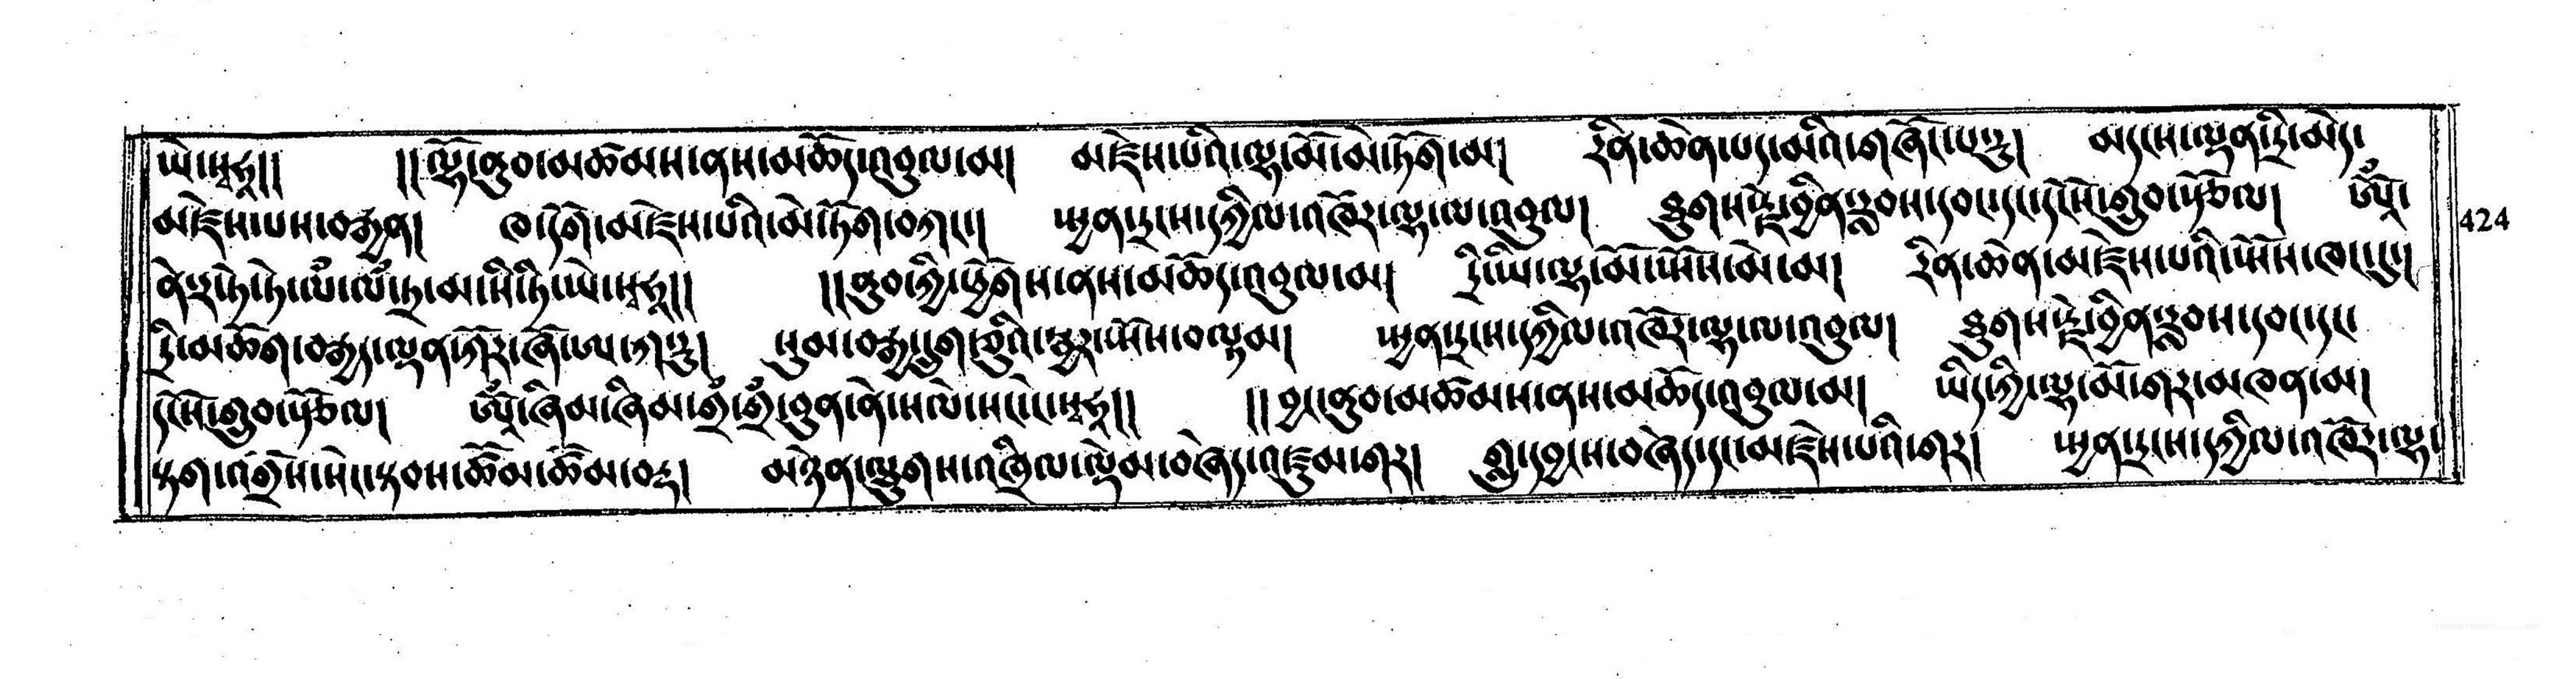ཡེ་སྭཧཱ། །།ལྷོ་ནུབ་མཚམས་ནས་མཆོད་འབུལ་མ། མཛེས་པའི་ལྷ་མོ་མེ་ཏོག་མ། རིན་ཆེན་པད་མའི་གཞོང་པ་རུ། ། མདངས་ལྡན་དྲི་མེད་
མཛེས་པའི་བརྒྱན། ། ཁ་དོག་མཛེས་པའི་མེ་ཏོག་བཀང་། སྤྱན་དྲངས་དཀྱིལ་འཁོར་ལྷ་ལ་འབུལ། ཐུགས་རྗེ་བྱིན་རླབས་དབང་དང་དངོས་གྲུབ་སྩོལ། ཨཱོཾ་
ནེ་ར་ཏེ་ཏེ་ལཾ་ལཾ་ཏྲ་མ་སི་ཏི་ཡེ་སྭཧཱ།། །།ནུབ་ཀྱི་ཕྱོགས་ནས་མཆོད་འབུལ་མ། དྲི་ཡི་ལྷ་མོ་སྤོས་མེ་མ། རིན་ཆེན་མཛེས་པའི་སྤོས་ཁང་དུ། 
དྲི་མཆོག་བརྒྱད་ལྡན་ཀོར་ཞོ་ཨ་ཀ་རུ། སུམ་བརྒྱ་དྲུག་ཅུའི་སྦྱར་སྤོས་བལྟམ། སྤྱན་དྲངས་དཀྱིལ་འཁོར་ལྷ་ལ་འབུལ། ཐུགས་རྗེ་བྱིན་རླབས་དབང་དང་
དངོས་གྲུབ་སྩོལ། ཨཱོཾ་ཞིམ་ཞིམ་གྲཾ་གྲཾ་བུན་ནེ་སལེ་སང་ངེ་སྭཧཱ།། །།བྱང་ནུབ་མཚམས་ནས་མཆོད་འབུལ་མ། ཡིད་ཀྱི་ལྷ་མོ་གར་མཁན་མ། 
སྟག་འགྲོས་སེང་{435}སྟབས་ཚོམ་ཚོམ་བརྡ། མཉེན་ལྕུགས་འཁྲིལ་ལྡེམ་བཞེད་འཛུམ་གར། གླུ་དབྱངས་བཞེད་དང་མཛེས་པའི་གར། སྤྱན་དྲངས་དཀྱིལ་འཁོར་ལྷ་